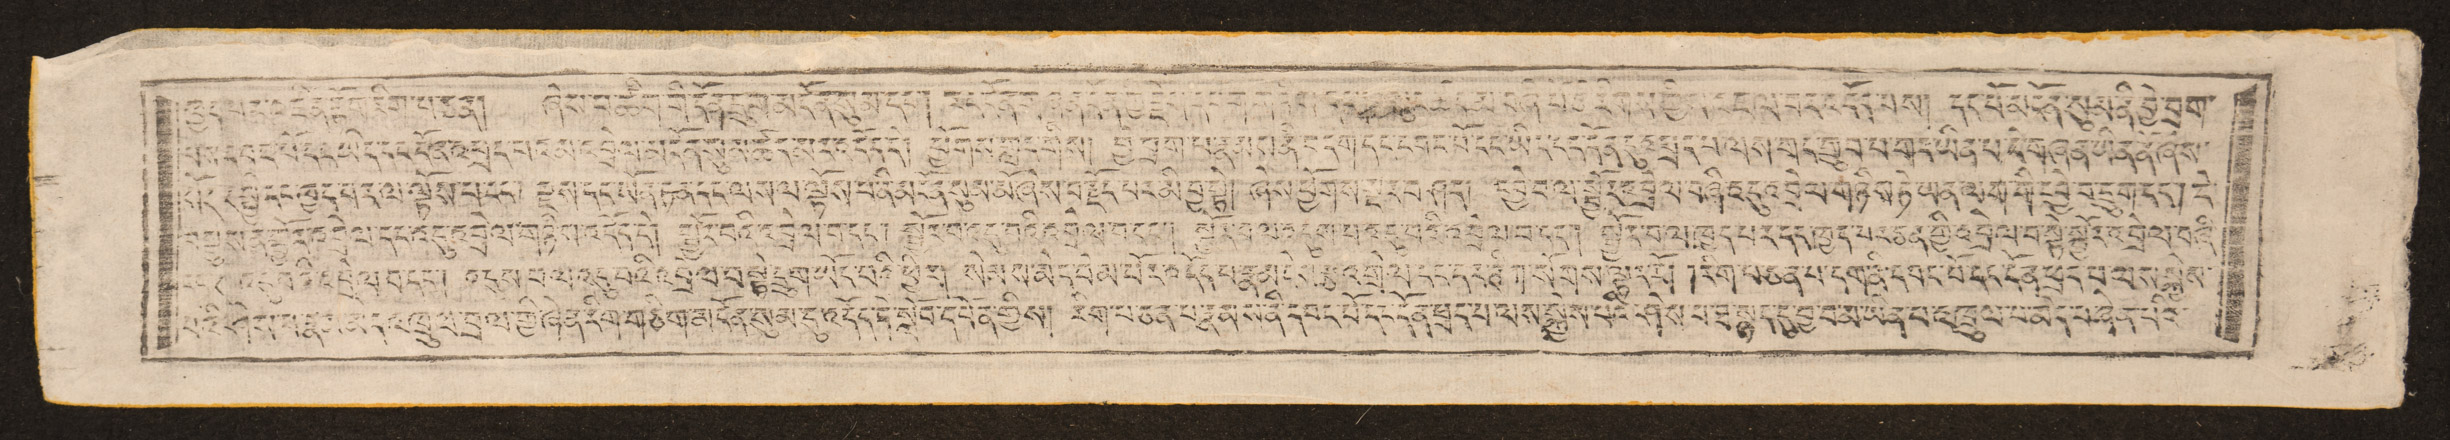ཁྱད་པར་འཛིན་རྟོག་རིག་པ་ཅན། །ཞེས་བ་ཚིག་གི་དོན་དྲུག་མངོན་སུམ་དང་། །རང་དོན་གཞན་དོན་གྱི་རྗེས་དབག་གཞིས་དང་། །ལུང་ཚད་མ་བཞི་པོ་ཅི་རིགས་ཀྱིས་འཇལ་བར་འདོད་པས། །དང་པོ་མངོན་སུམ་ནི་བྱེ་དྲག་
པས་དབང་པོ་དང་ཡིད་དང་དོན་འཕྲད་པའམ་འབྲེལ་མངོན་སུམ་ཚད་མར་འདོད་དེ། །ཕྱོགས་གླང་གིས། །བྱེ་བྲག་པ་རྣམས་ནི་བདག་དང་དབང་པོ་དང་ཡི་དང་ད་དོན་དུ་འཕྲད་པ་ལས་གང་གྲུབ་པ་གང་ཡིན་པ་དེ་གཞན་ཡིན་ནོ་ཞེས་
སོ༑ ༑སྤྱི་དང་ཁྱད་པར་ལ་ལྟོས་པ་དང་། །རྫས་དང་ཡོན་ཏན་དང་ལས་ལ་ལྟོས་པ་ནི་མངོན་སུམ་མོ་ཞེས་བརྗོད་པར་མི་བྱ་སྟེ། །ཞེས་ཕྱོགས་སྔར་བཤད། །དབྱེ་བ་ལ་སྦྱོར་འབྲེལ་བཞི་འདུ་འབྲེལ་གཉིས་ཏེ་ཡན་ལག་གི་དབྱེ་བ་དྲུག་དང་། །དེ་
བསྡུས་ན་སྦྱོར་འབྲེལ་དང་འདུ་འབྲེལ་གཉེས་འདོད་དེ། སྦྱོར་བའི་འབྲེལ་བ་དང་། །སྦྱོང་བ་འདུ་བའི་འབྲེལ་བ་དང་། །སྦྱོར་བ་ལ་འདུམ་པ་འདུ་བའི་འབྲེལ་བ་དང་། །སྦྱོར་བ་ལ་ཁྱད་པར་དང་ཁྱད་པར་ཅན་གྱི་འབྲེལ་བ་སྟེ་སྦྱོར་འབྲེལ་བཞི་
དང༑ །འདུ་བའི་འབྲེལ་བ་དང་། །འདུས་པ་ལ་འདུ་བའི་འབྲེལ་བ་སྟེ་དྲུག་ཡོད་པའི་ཕྱིར། སེམས་མེད་བེམ་པོར་འདོད་པ་རྣམ་ངེས་རྩ་འགྲེལ་དང་དར་ཊིཀ་སོགས་ལྟར་རོ། །རིག་པ་ཅན་པ་དག་ནི་དབང་པོ་དང་དོན་ཕྲད་པ་ལས་སྐྱེས་
པའི་ཤིས་པ་རྣམ་མེད་འཁྲུལ་བྲལ་གྱི་ཞེན་རིག་གཅིག་མངོན་སུམ་དུ་འདོད་དེ་སློབ་དཔོན་གྱིས། །རིག་པ་ཅན་པ་རྣམས་ནི་དབང་པོ་དང་དོན་ཕྲད་པ་ལས་སྐྱེས་པའི་ཤེས་པ་ཐ་སྙད་དུ་བྱ་བ་མ་ཡིན་པ་འཁྲུལ་བ་མེད་པ་ཞེན་པའི་